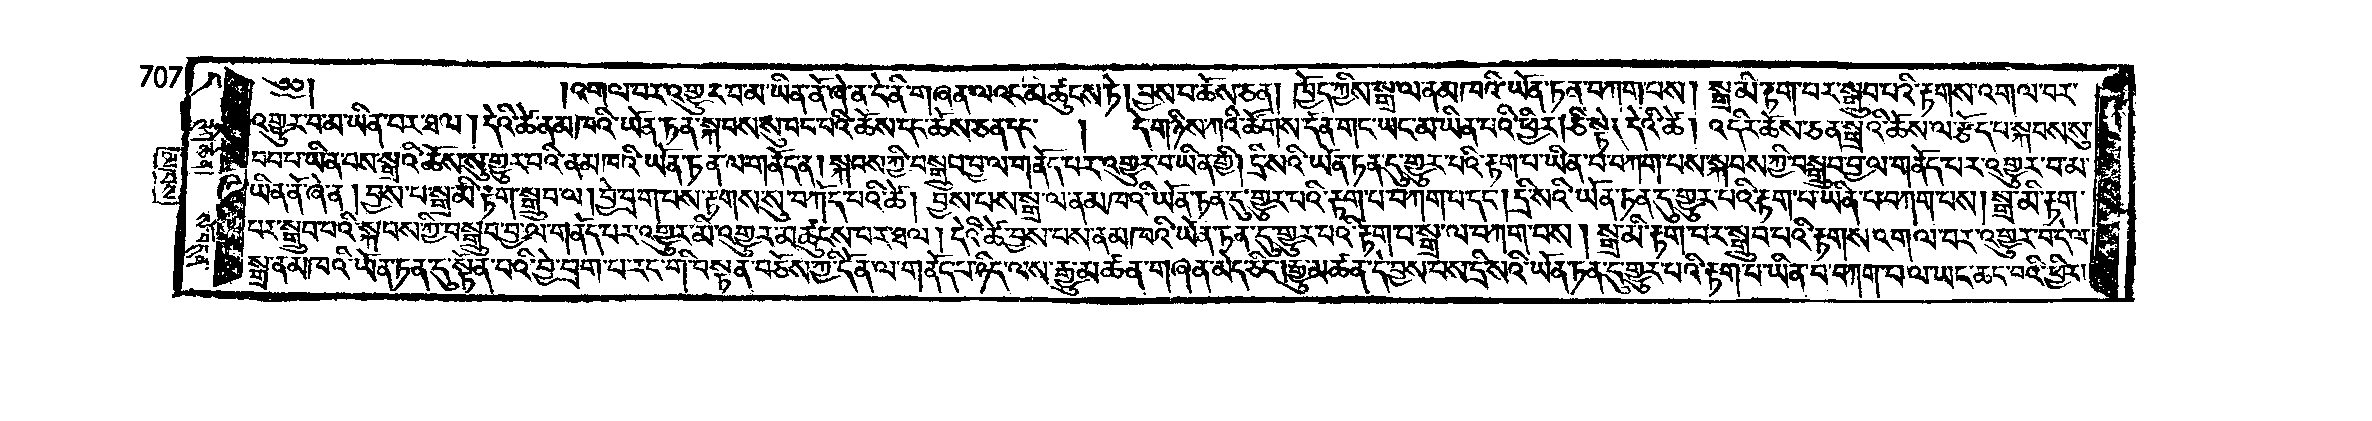༄༅། །འགལ་བར་འགྱུར་བ་མ་ཡིན་ནོ་ཞེ་ན་དེ་ནི་གཞན་ལའང་མཚུངས་ཏེ། བྱས་པ་ཆོས་ཅན། ཁྱོད་ཀྱིས་སྒྲ་ལ་ནམ་མཁའི་ཡོན་ཏན་བཀག་པས། སྒྲ་མི་རྟག་པར་སྒྲུབ་པའི་རྟགས་འགལ་བར་
འགྱུར་བ་མ་ཡིན་པར་ཐལ། དེའི་ཚེ་ནམ་མཁའི་ཡོན་ཏན་སྐབས་སུ་བབ་པའི་ཆོས་ཅན་དང་ཆོས་ཅན་དང་། དེ་གཉིས་ཀའི་ཚོགས་དོན་གང་ཡང་མ་ཡིན་པའི་ཕྱིར། ཅི་སྟེ། དེའི་ཚེ། འདིར་ཆོས་ཅན་སྒྲའི་ཆོས་ལ་རྩོད་པ་སྐབས་སུ་
བབ་པ་ཡིན་པས་སྒྲའི་ཆོས་སུ་གྱུར་པའི་ནམ་མཁའི་ཡོན་ཏན་ལ་གནོད་ན། སྐབས་ཀྱི་བསྒྲུབ་བྱ་ལ་གནོད་པར་འགྱུར་བ་ཡིན་གྱི། དྲི་སའི་ཡོན་ཏན་དུ་གྱུར་པའི་རྟག་པ་ཡིན་པ་བཀག་པས་སྐབས་ཀྱི་བསྒྲུབ་བྱ་ལ་གནོད་པར་འགྱུར་བ་མ་
ཡིན་ནོ་ཞེ་ན། བྱས་པ་སྒྲ་མི་རྟག་སྒྲུབ་ལ། བྱེ་བྲག་པས་རྟགས་སུ་བཀོད་པའི་ཚེ། བྱས་པས་སྒྲ་ལ་ནམ་མཁའི་ཡོན་ཏན་དུ་གྱུར་པའི་རྟག་པ་བཀག་པ་དང་། དྲི་སའི་ཡོན་ཏན་དུ་གྱུར་པའི་རྟག་པ་ཡིན་པ་བཀག་པས། སྒྲ་མི་རྟག་
པར་སྒྲུབ་པའི་སྐབས་ཀྱི་བསྒྲུབ་བྱ་ལ་གནོད་པར་འགྱུར་མི་འགྱུར་མཚུངས་པར་ཐལ། དེའི་ཚེ་བྱས་པས་ནམ་མཁའི་ཡོན་ཏན་དུ་གྱུར་པའི་རྟག་པ་སྒྲ་ལ་བཀག་པས། སྒྲ་མི་རྟག་པར་སྒྲུབ་པའི་རྟགས་འགལ་བར་འགྱུར་བ་དེ་ལ་
སྒྲ་ནམ་མཁའི་ཡོན་ཏན་དུ་སྟོན་པའི་བྱེ་བྲག་པ་རང་གི་བསྟན་བཅོས་ཀྱི་དོན་ལ་གནོད་པ་ཉིད་ལས་རྒྱུ་མཚན་གཞན་མེད་ཅིང་། རྒྱུ་མཚན་དེ་བྱས་པས་དྲི་སའི་ཡོན་ཏན་དུ་གྱུར་པའི་རྟག་པ་ཡིན་པ་བཀག་པ་ལ་ཡང་ཚང་བའི་ཕྱིར།